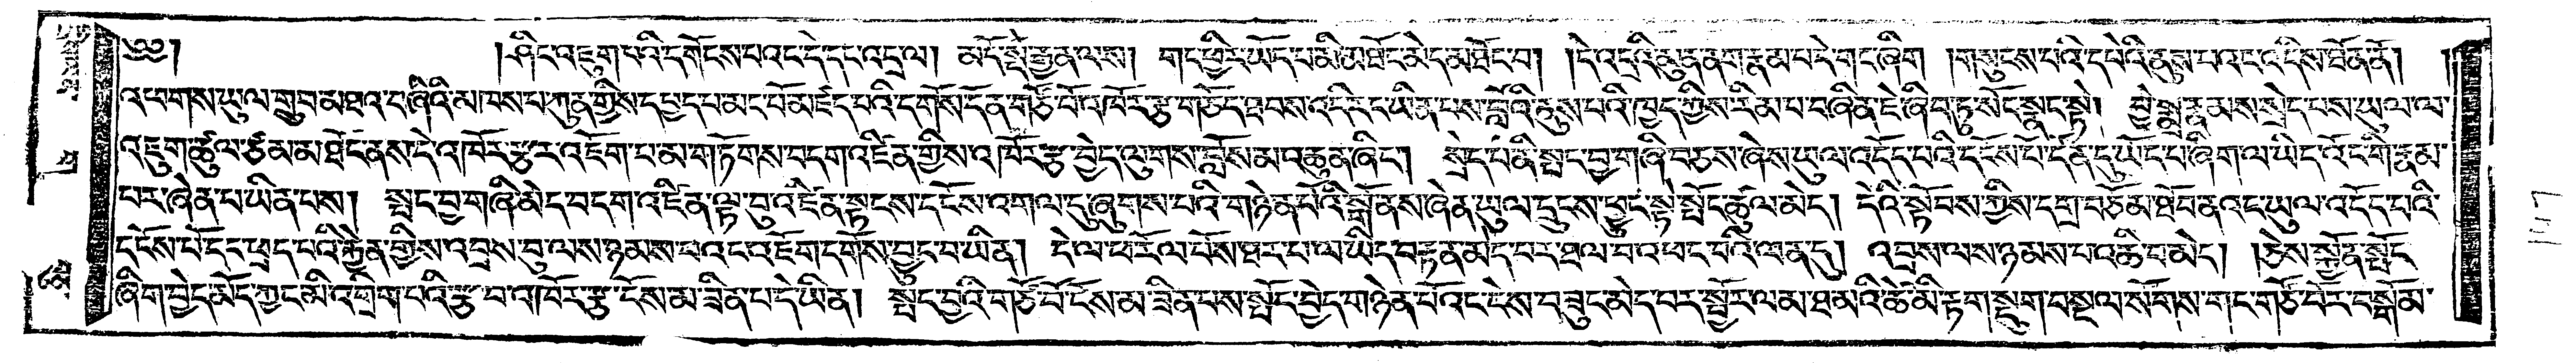༄༅། །ཤིང་འཇུག་པའི་དགོངས་པའང་དེ་དང་འབྲལ། མདོ་སྡེ་རྒྱན་ལས། གང་ཕྱིར་ཡོད་པ་མི་མཐོང་མེད་མཐོང་བ། །དེ་འདྲའི་མུན་ནག་རྣམ་པ་དེ་གང་ཞིག །གསུངས་པའི་དཔེའི་ནུས་པའང་འདིས་ཐོན་ནོ། །
འཕགས་ཡུལ་གྲུབ་མཐའ་བཞིའི་མཁས་པ་ཀུན་གྱིས་དཔྱད་པ་མང་པོ་མཛད་པའི་དགོས་དོན་གཙོ་བོ་འཁོར་རྩེ་གཅོད་ཐབས་འདི་རང་ཡིན་པས་བློའི་ནུས་པའི་ཁྱད་ཀྱིས་རིམ་པ་བཞིན་ཇི་ཞིབ་ཏུ་སོང་སྣང་སྟེ། བྱེ་སྨྲ་རྣམས་སྲེང་པས་ཡུལ་ལ་
འཇུག་ཚུལ་ཙམ་མཐོང་ནས་དེ་འཁོར་རྩལ་འཇོག་པ་མ་གཏོགས་བདག་འཛིན་གྱིས་འཁོར་རྩ་བྱེད་ལུགས་བློས་མ་འཆུན་ཞིང་། སྲེད་པ་ནི་སྤང་བྱ་གཞི་བཅས་ཞེས་ཡུལ་འདོད་པའི་དངོས་པོ་དོན་དུ་ཡོད་པ་ཞིག་ལ་ཡིད་འོང་གི་རྣམ་
པར་ཞེན་པ་ཡིན་པས། སྤང་བྱ་གཞི་མེད་བདག་འཛིན་ལྟ་བུ་འཛིན་སྟངས་དངོས་འགལ་དུ་ཞུགས་པའི་གཉེན་པོའི་སྒོ་ནས་ཞེན་ཡུལ་དྲུངས་ཕྱུང་སྟེ་སྤོང་ཚུལ་མེད། དེའི་སྟོབས་ཀྱིས་དགྲ་བཅོམ་ཐོབ་ནའང་ཡུལ་འདོད་པའི་
དངོས་པོ་དང་ཕྲད་པའི་རྐྱེན་གྱིས་འབྲས་བུ་ལས་ཉམས་པའང་འཇོག་དགོས་བྱུང་བ་ཡིན། དེ་ལ་ཕ་རོལ་པོས་ཐར་པ་ལ་ཡིད་བརྟན་མེད་པར་ཐལ་བ་འཕང་བའི་ལན་དུ། འབྲས་ལས་ཉམས་པ་འཆི་བ་མེད། །ཅེས་སྐྱོན་སྤོང་
ཞིག་བྱེད་མོད་ཀྱང་མི་འགྲིག་བའི་རྩ་བ་འཁོར་རྩ་ངོས་མ་ཟིན་པ་དེ་ཡིན། སྤང་བྱའི་གཙོ་བོ་ངོས་མ་ཟིན་པས་སྤོང་བྱེད་གཉེན་པོའང་ངེས་བཟུང་མེད་པར་སྦྱོར་ལམ་ཐ་མའི་ཚེ་མི་རྟག་སྡུག་བསྔལ་སོགས་གང་གཙོ་བོར་བསྒོམ་